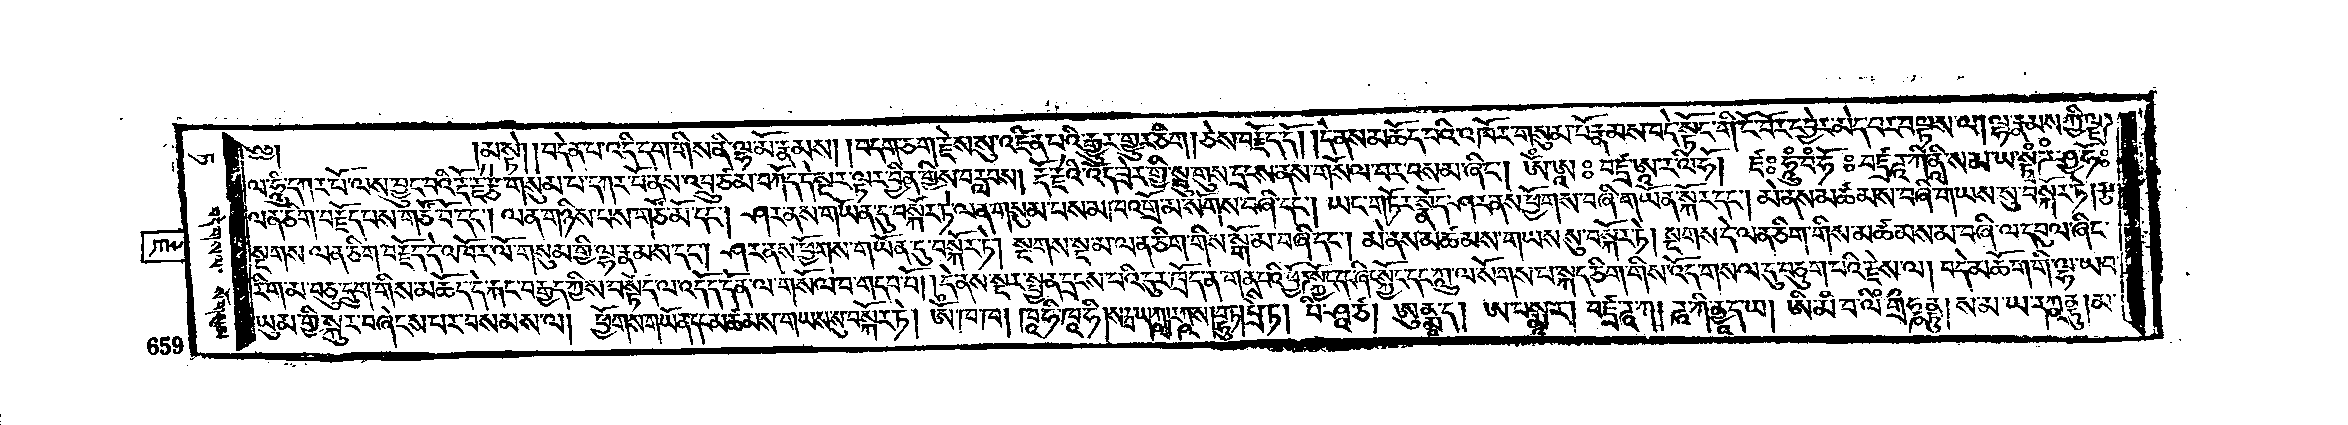༄༅། །མ་སྟེ། །བདེན་པ་འདི་དག་གིས་ནི་ལྷ་མོ་རྣམས། །བདག་ཅག་རྗེས་སུ་འཛིན་པའི་རྒྱུར་གྱུར་ཅིག །ཅེས་བརྗོད་དོ། །དེ་ནས་མཆོད་པའི་འཁོར་གསུམ་པོ་རྣམས་བདེ་སྟོང་གི་ངོ་བོར་དབྱེར་མེད་པར་བལྟས་ལ། ལྷ་རྣམས་ཀྱི་ལྗགས་
ལ་ཧཱུཾ་དཀར་པོ་ལས་བྱུང་བའི་རྡོ་རྗེ་རྩེ་གསུམ་པ་དཀར་པོ་ནས་འབྲུ་ཙམ་བཀོད་དེ་སྔར་ལྟར་བྱིན་གྱིས་བརླབས། རྡོ་རྗེའི་འོད་ཟེར་གྱི་སྦུ་གུས་དྲངས་ནས་གསོལ་བར་བསམ་ཞིང་། ཨོཾ་ཨཱཿ བཛྲ་ཨཱ་ར་ལི་ཧོ། ཛཿ ཧཱུཾ་བཾ་ཧོཿ བཛྲ་ཌཱ་ཀི་ནཱི་ས་མ་ཡ་སྟྭཾ་ཌྀ་ཤྱ་ཧོཿ
ལན་ཅིག་བརྗོད་པས་གཙོ་བོ་དང་། ལན་གཉིས་པས་གཙོ་མོ་དང་། ཤར་ནས་གཡོན་དུ་བསྐོར་ཏེ་ལན་གསུམ་པས་མཁའ་འགྲོ་མ་སོགས་བཞི་དང་། ཡང་གཏོར་སྣོད་ཤར་ནས་ཕྱོགས་བཞི་གཡོན་སྐོར་དང་། མེ་ནས་མཚམས་བཞི་གཡས་སུ་བསྐོར་ཏེ། རྩ་
སྔགས་ལན་ཅིག་བརྗོད་དེ་འཁོར་ལོ་གསུམ་གྱི་ལྷ་རྣམས་དང་། ཤར་ནས་ཕྱོགས་གཡོན་དུ་བསྐོར་ཏེ། སྔགས་སྔ་མ་ལན་ཅིག་གིས་སྒོ་མ་བཞི་དང་། མེ་ནས་མཚམས་གཡས་སུ་བསྐོར་ཏེ། སྔགས་དེ་ལན་ཅིག་གིས་མཚམས་མ་བཞི་ལ་དབུལ་ཞིང་
རིག་མ་བཅུ་དྲུག་གིས་མཆོད་དེ་རྐང་བརྒྱད་ཀྱིས་བསྟོད་ལ་འདོད་དོན་ལ་གསོལ་བ་གདབ་བོ། །དེ་ནས་སྔར་སྤྱན་དྲངས་པའི་དུར་ཁྲོད་ན་གནས་པའི་ཕྱོགས་སྐྱོང་དང་ཞིང་སྐྱོང་དང་ཀླུ་ལ་སོགས་པ་སྐད་ཅིག་གིས་འོད་གསལ་དུ་བཅུག་པའི་རྗེས་ལ། བདེ་མཆོག་གི་ལྷ་ཡབ་
ཡུམ་གྱི་སྐུར་བཞེངས་པར་བསམས་ལ། ཕྱོགས་གཡོན་དང་མཚམས་གཡས་སུ་བསྐོར་ཏེ། ཨོཾ་ཁ་ཁ། ཁཱ་ཧི་ཁཱ་ཧི། སརྦ་ཡཀྵ། རཀྵ་ས། བྷུ་ཏ། པྲེ་ཏ། པི་ཤཱ་ཙ། ཨུནྨཱ་ད། ཨ་པསྨཱ་ར། བཛྲ་ཌཱ་ཀ། ཌཱ་ཀི་ནྱཱ་ད་ཡ། ཨི་མཾ་བ་ལིཾ་གྲྀཧྞནྟུ། ས་མ་ཡ་རཀྵནྟུ། མ་